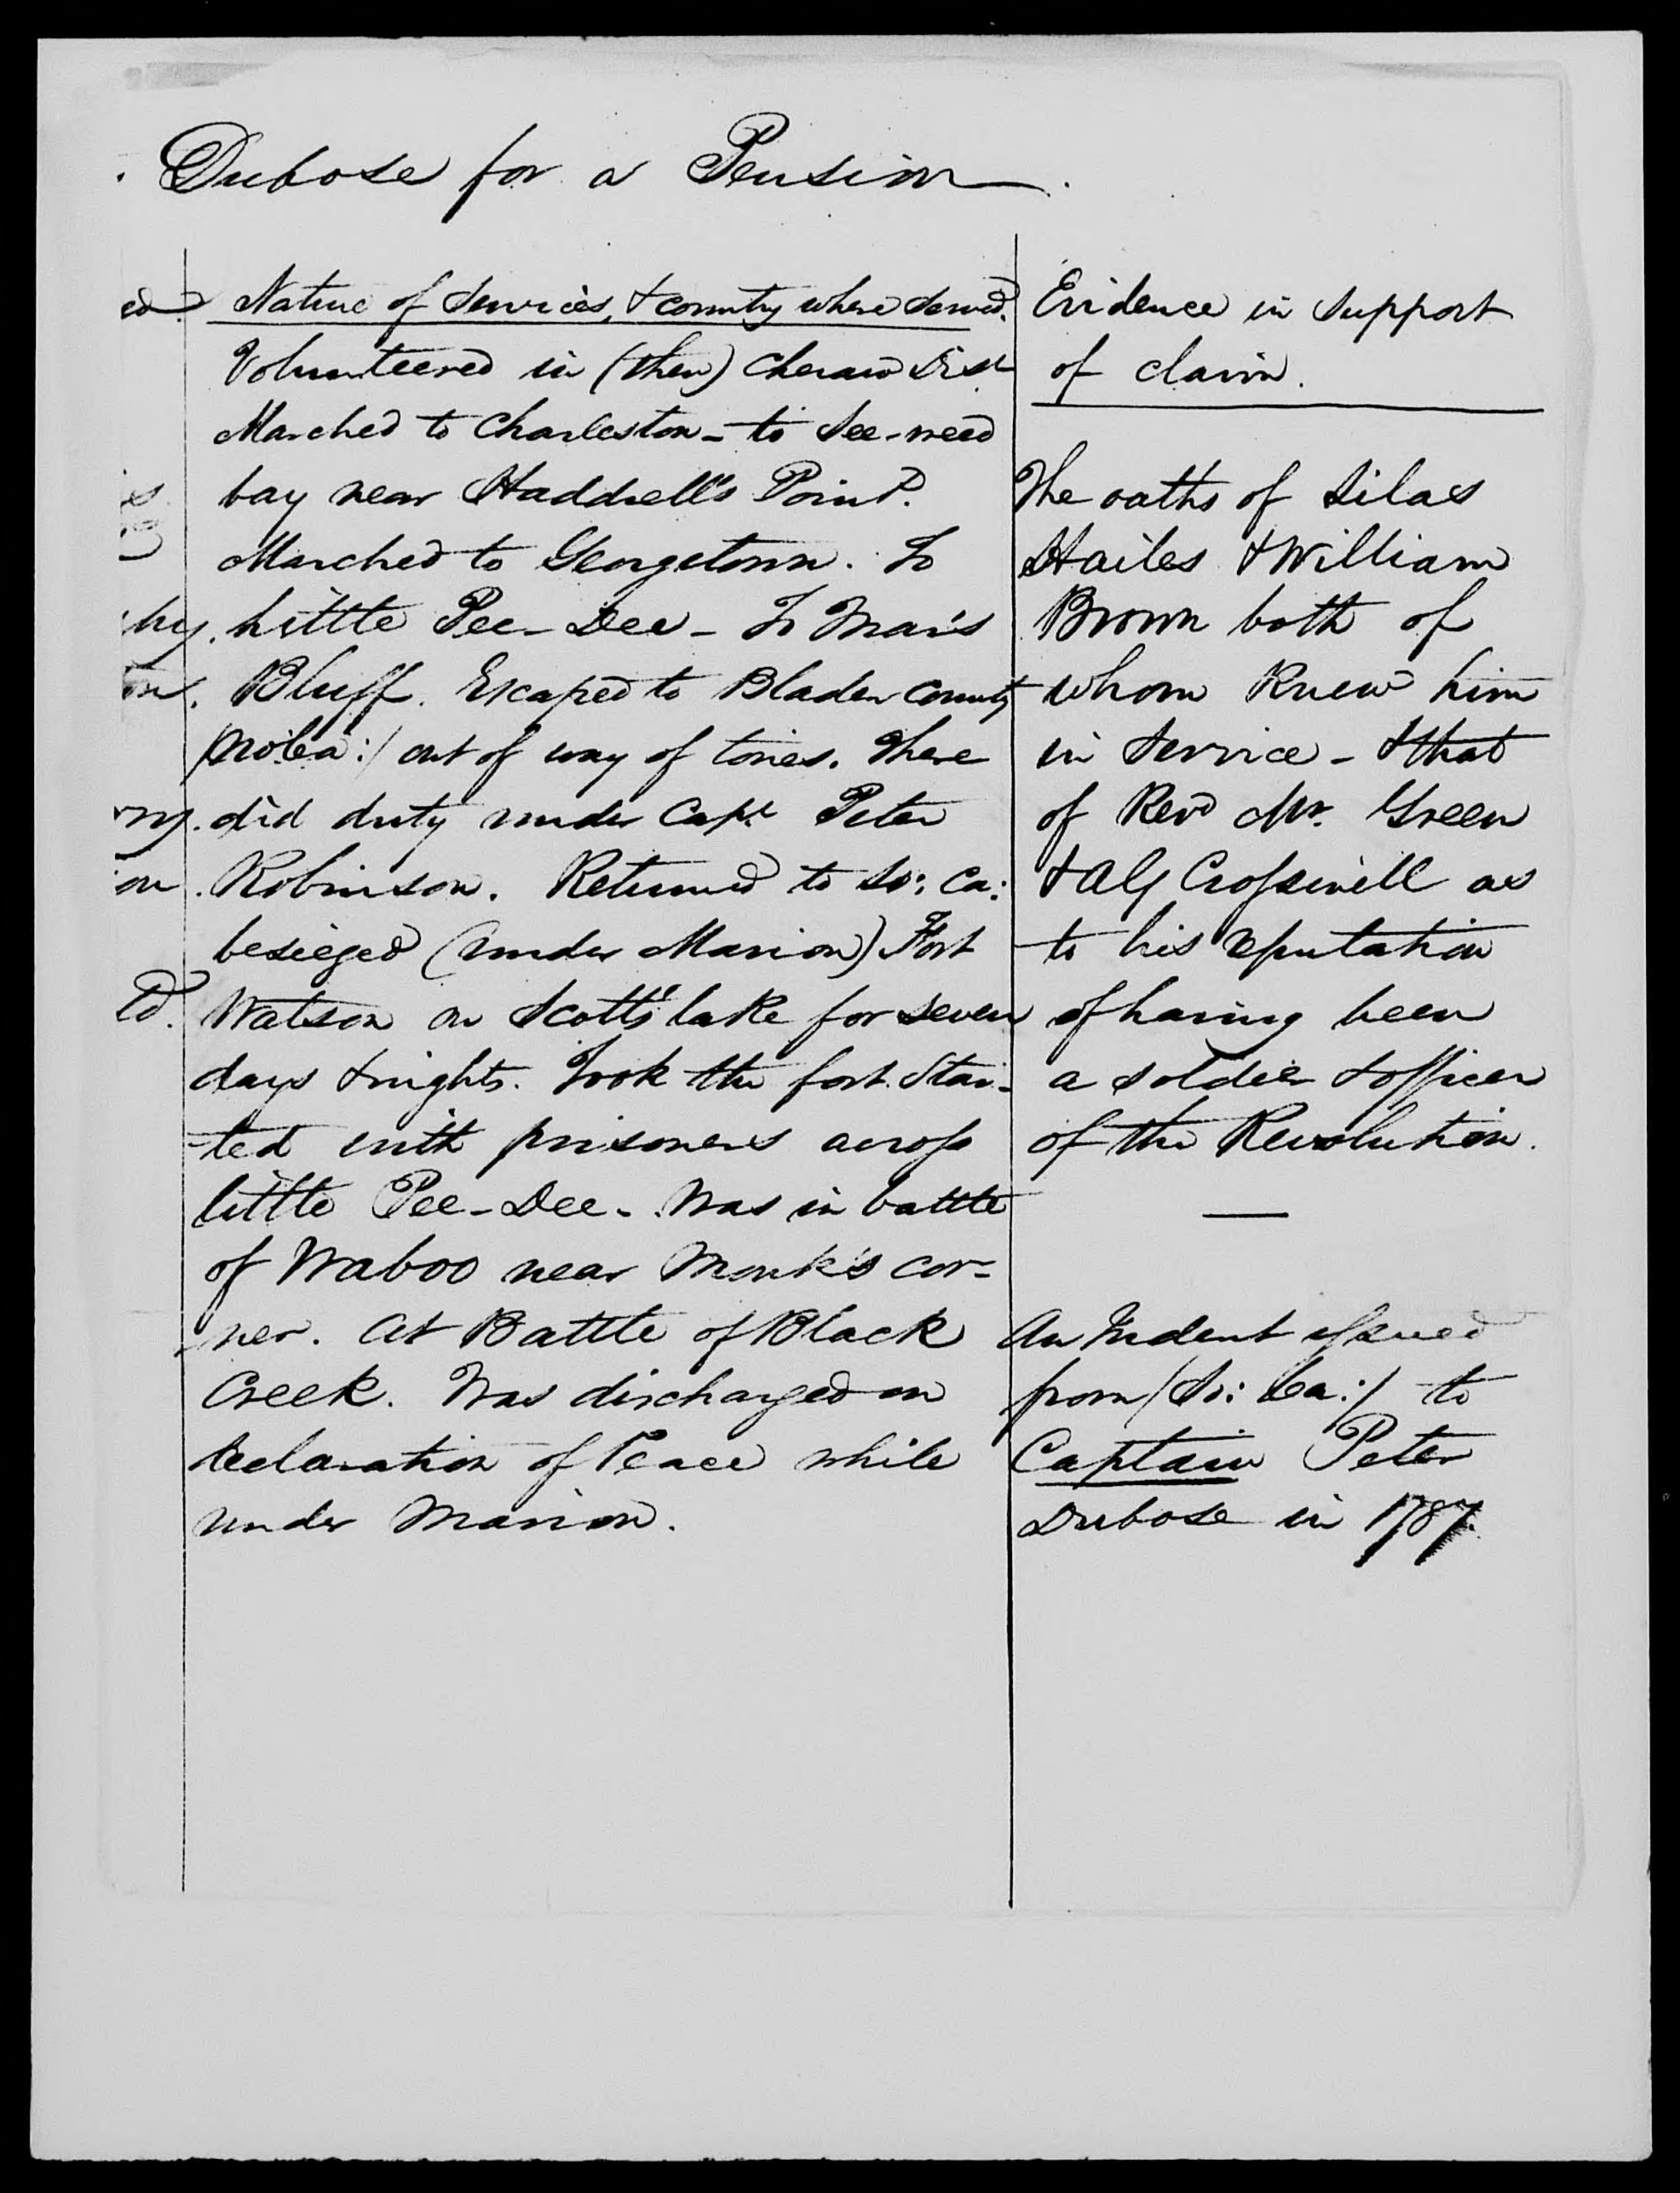( continued from previous page ) Dubose for a Pension . Nature of Services & County where served . Volunteered in ( then ) Cheraw Dist. Marched to Charleston to  see-weed bay  near Haddrell's Point  . Marched to Georgetown, to Little Pee Dee to Mar's bluff . Escaped to Bladen County  No Ca. out of way of tories. He did duty under Capt. Peter Robinson . Returned to So. Ca.  besieged ( under Marion )  Fort Watson on Scott's Lake  for seven days & nights  Took the fort stationed with prisoners across little Pee Dee - was in  battle of Waboo near Monk's corner . At battle of Black Creek  was discharged on declaration of peace while under Marion.  Evidence in support of claim. The oaths of Silas Hailes & William Brown both of whom knew him in service  & that of Rev. Mr. Green & AG Crosswell  as to his reputation of having been a soldier & officer of the  Revolution. An Indent issued from So. Ca.  to Captain Peter Dubose in 1787 .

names: Peter Dubose, A G Crosswell, Silas Hailes, Green, William Brown, Dubose, Peter Robinson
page: 24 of 43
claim: survivor's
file: S. 21163, Peter Dubose, S.C.